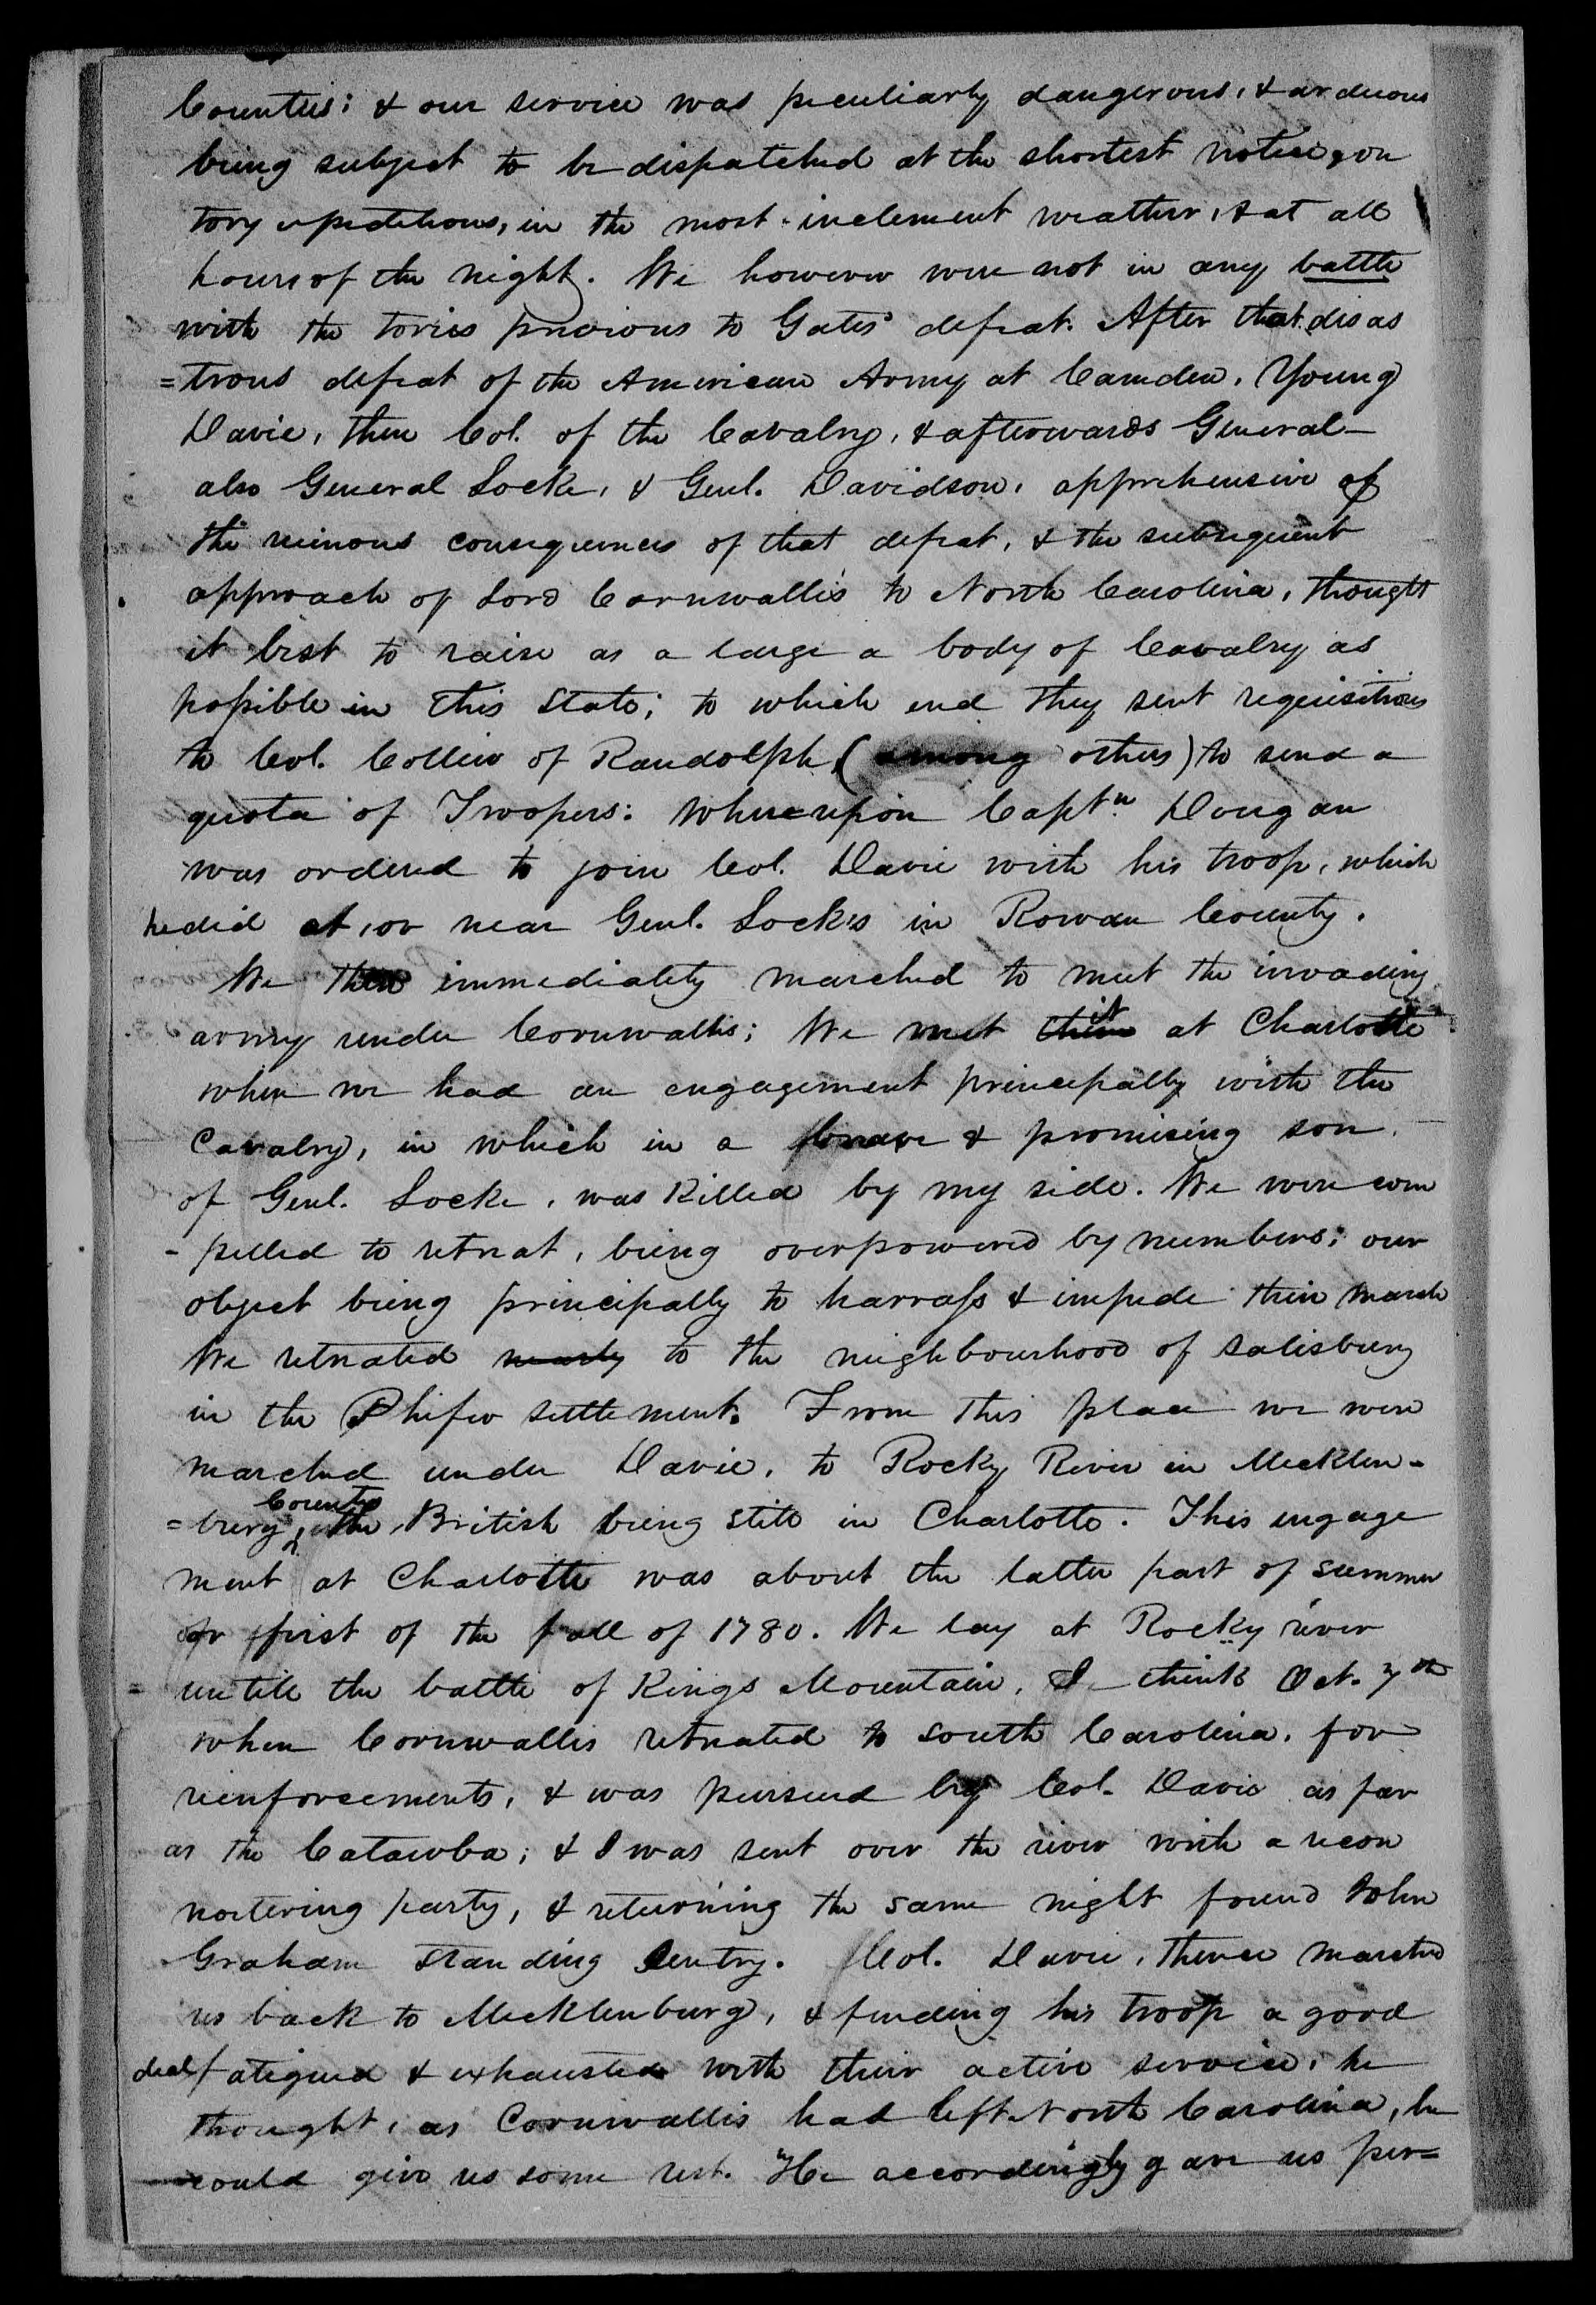Counties; & our service was particularly dangerous & arduous being subject to being dispatched at the shortest notice on Tory expeditions in the most inclement weather & at all hours of the night. We however were not in any battle with the Tories previous to Gates' defeat [Horatio Gates' defeat at the Battle of Camden, August 15-16, 1780]. After that disastrous defeat of the American Army at Camden, Young Davie [William Richardson Davie], then Col. of the Cavalry & afterwards General also General Locke [Francis Locke] & Genl. Davidson [General William Lee Davidson], apprehensive of the ruinous consequences of that defeat, & the subsequent approach of Lord Cornwallis to North Carolina, thought it best to raise as large a body of Cavalry as possible in this State; to which end they sent requisitions to Col Collier of Randolph (among others) to send a quota of Troopers. Whereupon Captain Dougan was ordered to join Col. Davie with his troop, which he did at or near General Locke's in Rowan County. 
We then immediately marched to meet the invading army under Cornwallis; we met it at Charlotte where we had an engagement [Charlotte, September 26, 1780] principally with the Cavalry, in which in a brave & promising son of Genl Locke was killed by my side. We were compelled to retreat, being overpowered by numbers; our object being principally to harass & impede their march. We retreated to the neighborhood of Salisbury in the Phifer settlement. From this place we were marched under Davie to Rocky River in Mecklenburg County, the British being still in Charlotte. This engagement at Charlotte was about the latter part of summer or first of the fall of 1780. We lay at Rocky River until the battle of Kings Mountain, I think Oct. 7th [1780] when Cornwallis retreated to South Carolina for reinforcements, & was pursued by Col. Davie as far as the Catawba; & I was sent over the river with a reconnoitering party, & returning the same night found John Graham standing sentry. Col. Davie thence marched us back to Mecklenburg, & finding his troop a good deal fatigued & exhausted with their active service, he thought as Cornwallis had left North Carolina, he would give us some respite. He accordingly gave us per=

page: 11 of 41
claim: widow's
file: W. 5033, for Joseph Johnston, North Carolina